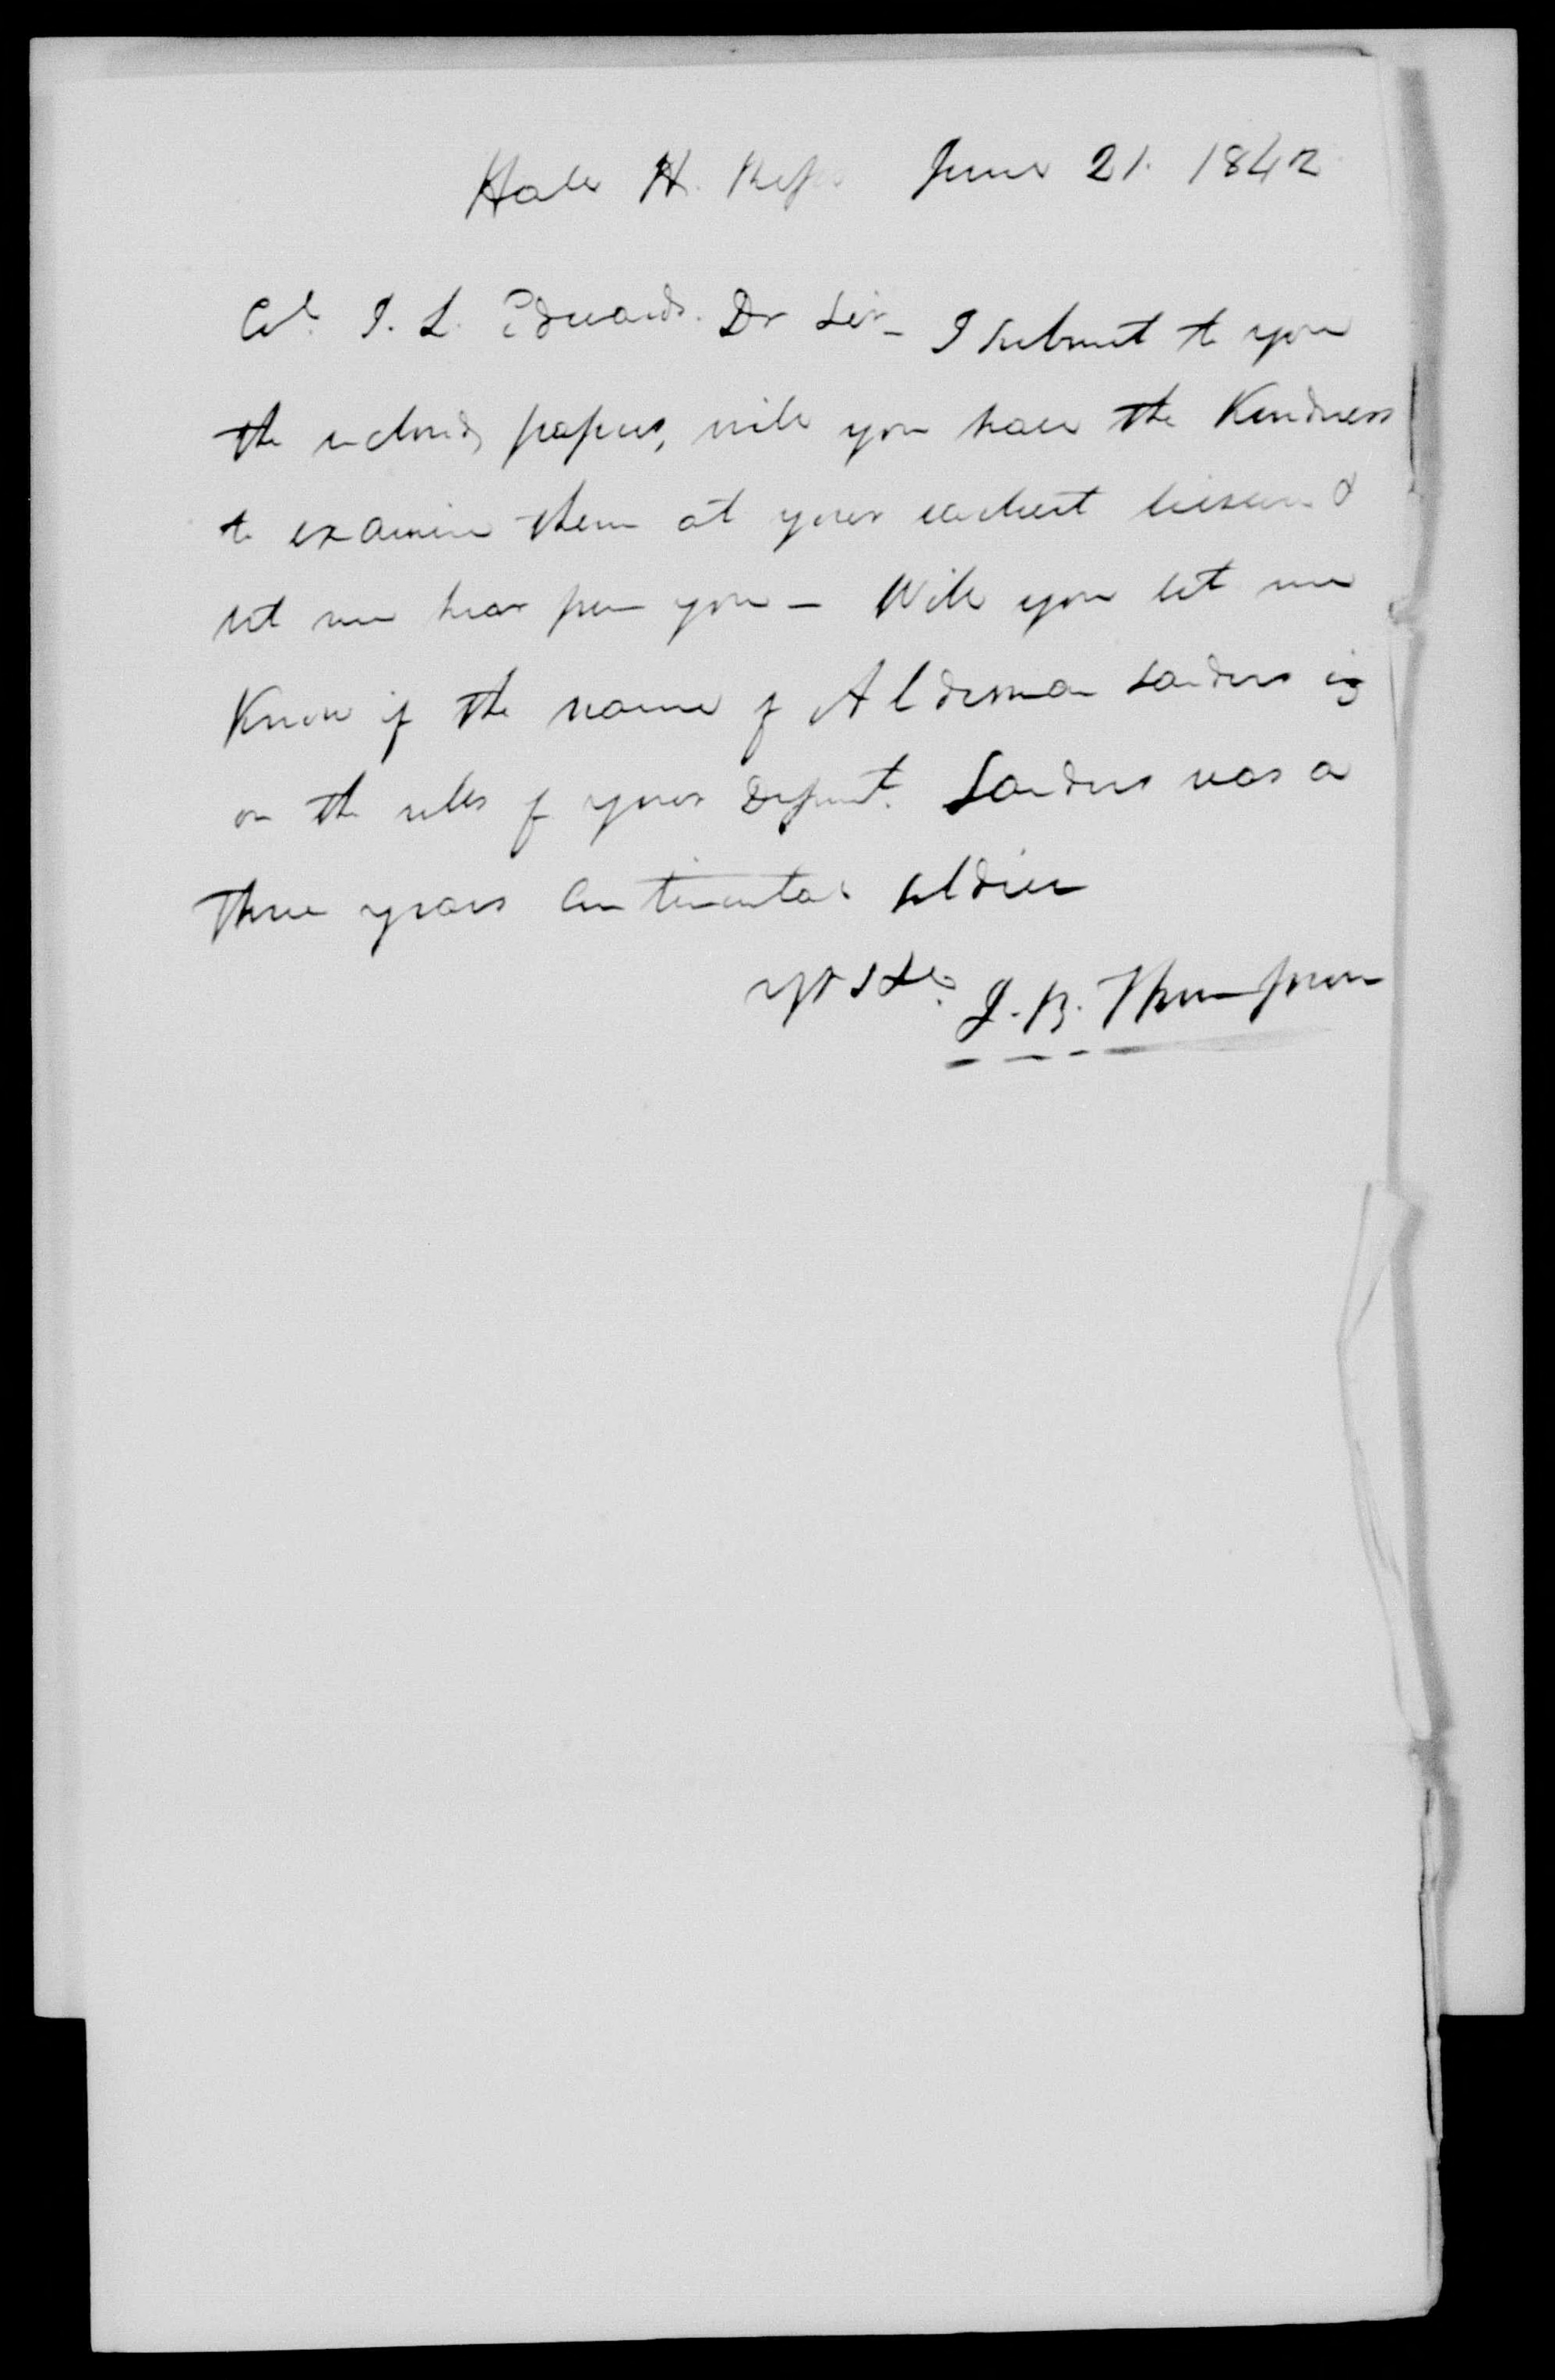Hale H. Reps June 21 1842
Col J. L. Edward Dr Sir. I submit to you
the land papers, will you have the kindness
to examine them at your earliest leisure &
let me hear for you-- Will you let me
know if the name of Alderman and in
on the will of your Depont Landers is
on the rules of your depart. Landers was a
three years Continental Soldier
yr &c 
J. B. Thompson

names: J B Thompson; Alderman Landers; J L Edwards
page: 16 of 16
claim: rejected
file: R 7386, for Philip Morgan, Georgia